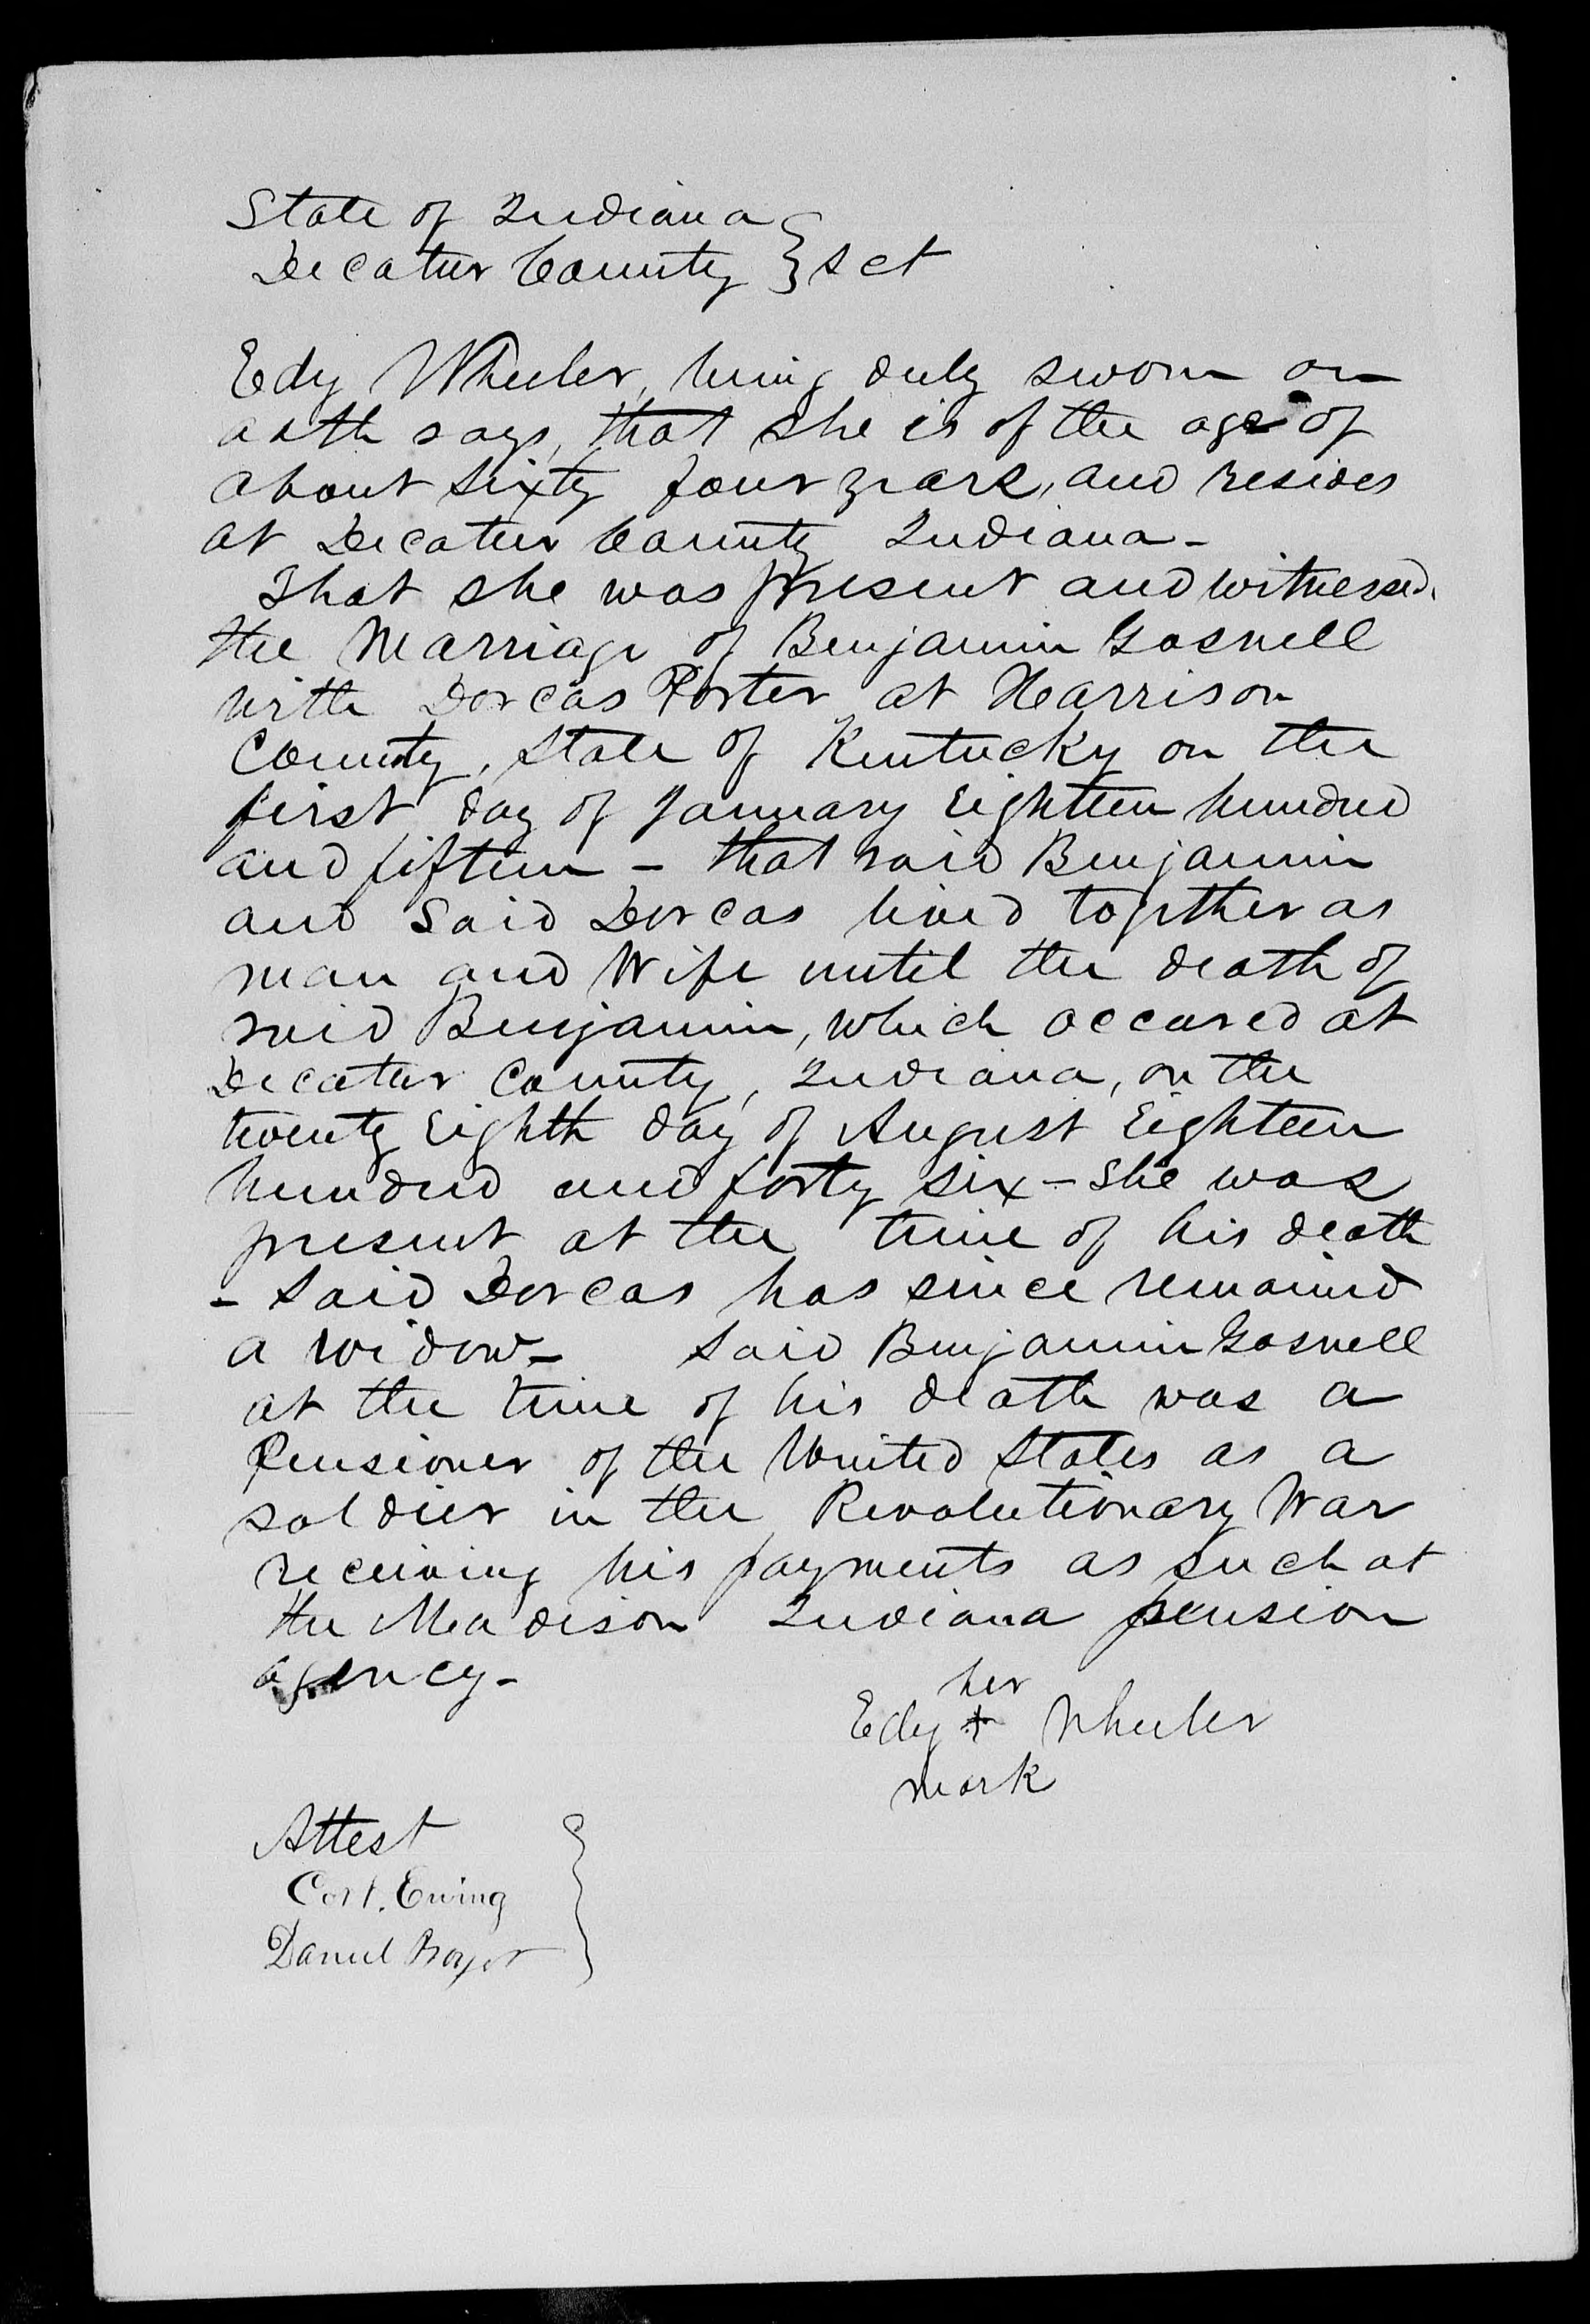State of Indiana Decatur County}
Set
Edy Wheeler, having duly sworn our oath says, that she is of the age of about sixty four years, and resides at Decatur County Indiana - That she was present and witnessed the Marriage of Benjamin Gosnell with Dorcas Porter at Harrison County, State of Kentucky on the first day of January eighteen hundred and fifteen - that said Benjamin and said Dorcas lived together as man and wife until the death of said Benjamin, which occured [occurred] at Decatur County, Indiana, on the twenty eighth day of August eighteen hundred and forty six - she was present at the time of his death - said Dorcas has since remained a widow - Said Benjamin Gosnell at the time of his death was a pensioner of the United States as a soldier in the Revolutionary War receiving his payments as such at the Madison Indiana pension agency -
her x mark
Edy Wheeler

Attest }
Cort. Ewing 
Daniel Boyer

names: Benjamin, Cort Ewing, Edy Wheeler, Benjamin, Daniel Boyer, Benjamin Gosnell, Edy Wheeler, Benjamin Gosnell, Dorcas Porter, Dorcas, Dorcas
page: 12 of 39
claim: widow's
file: W. 11060, Benjamin Gosnell, Va.